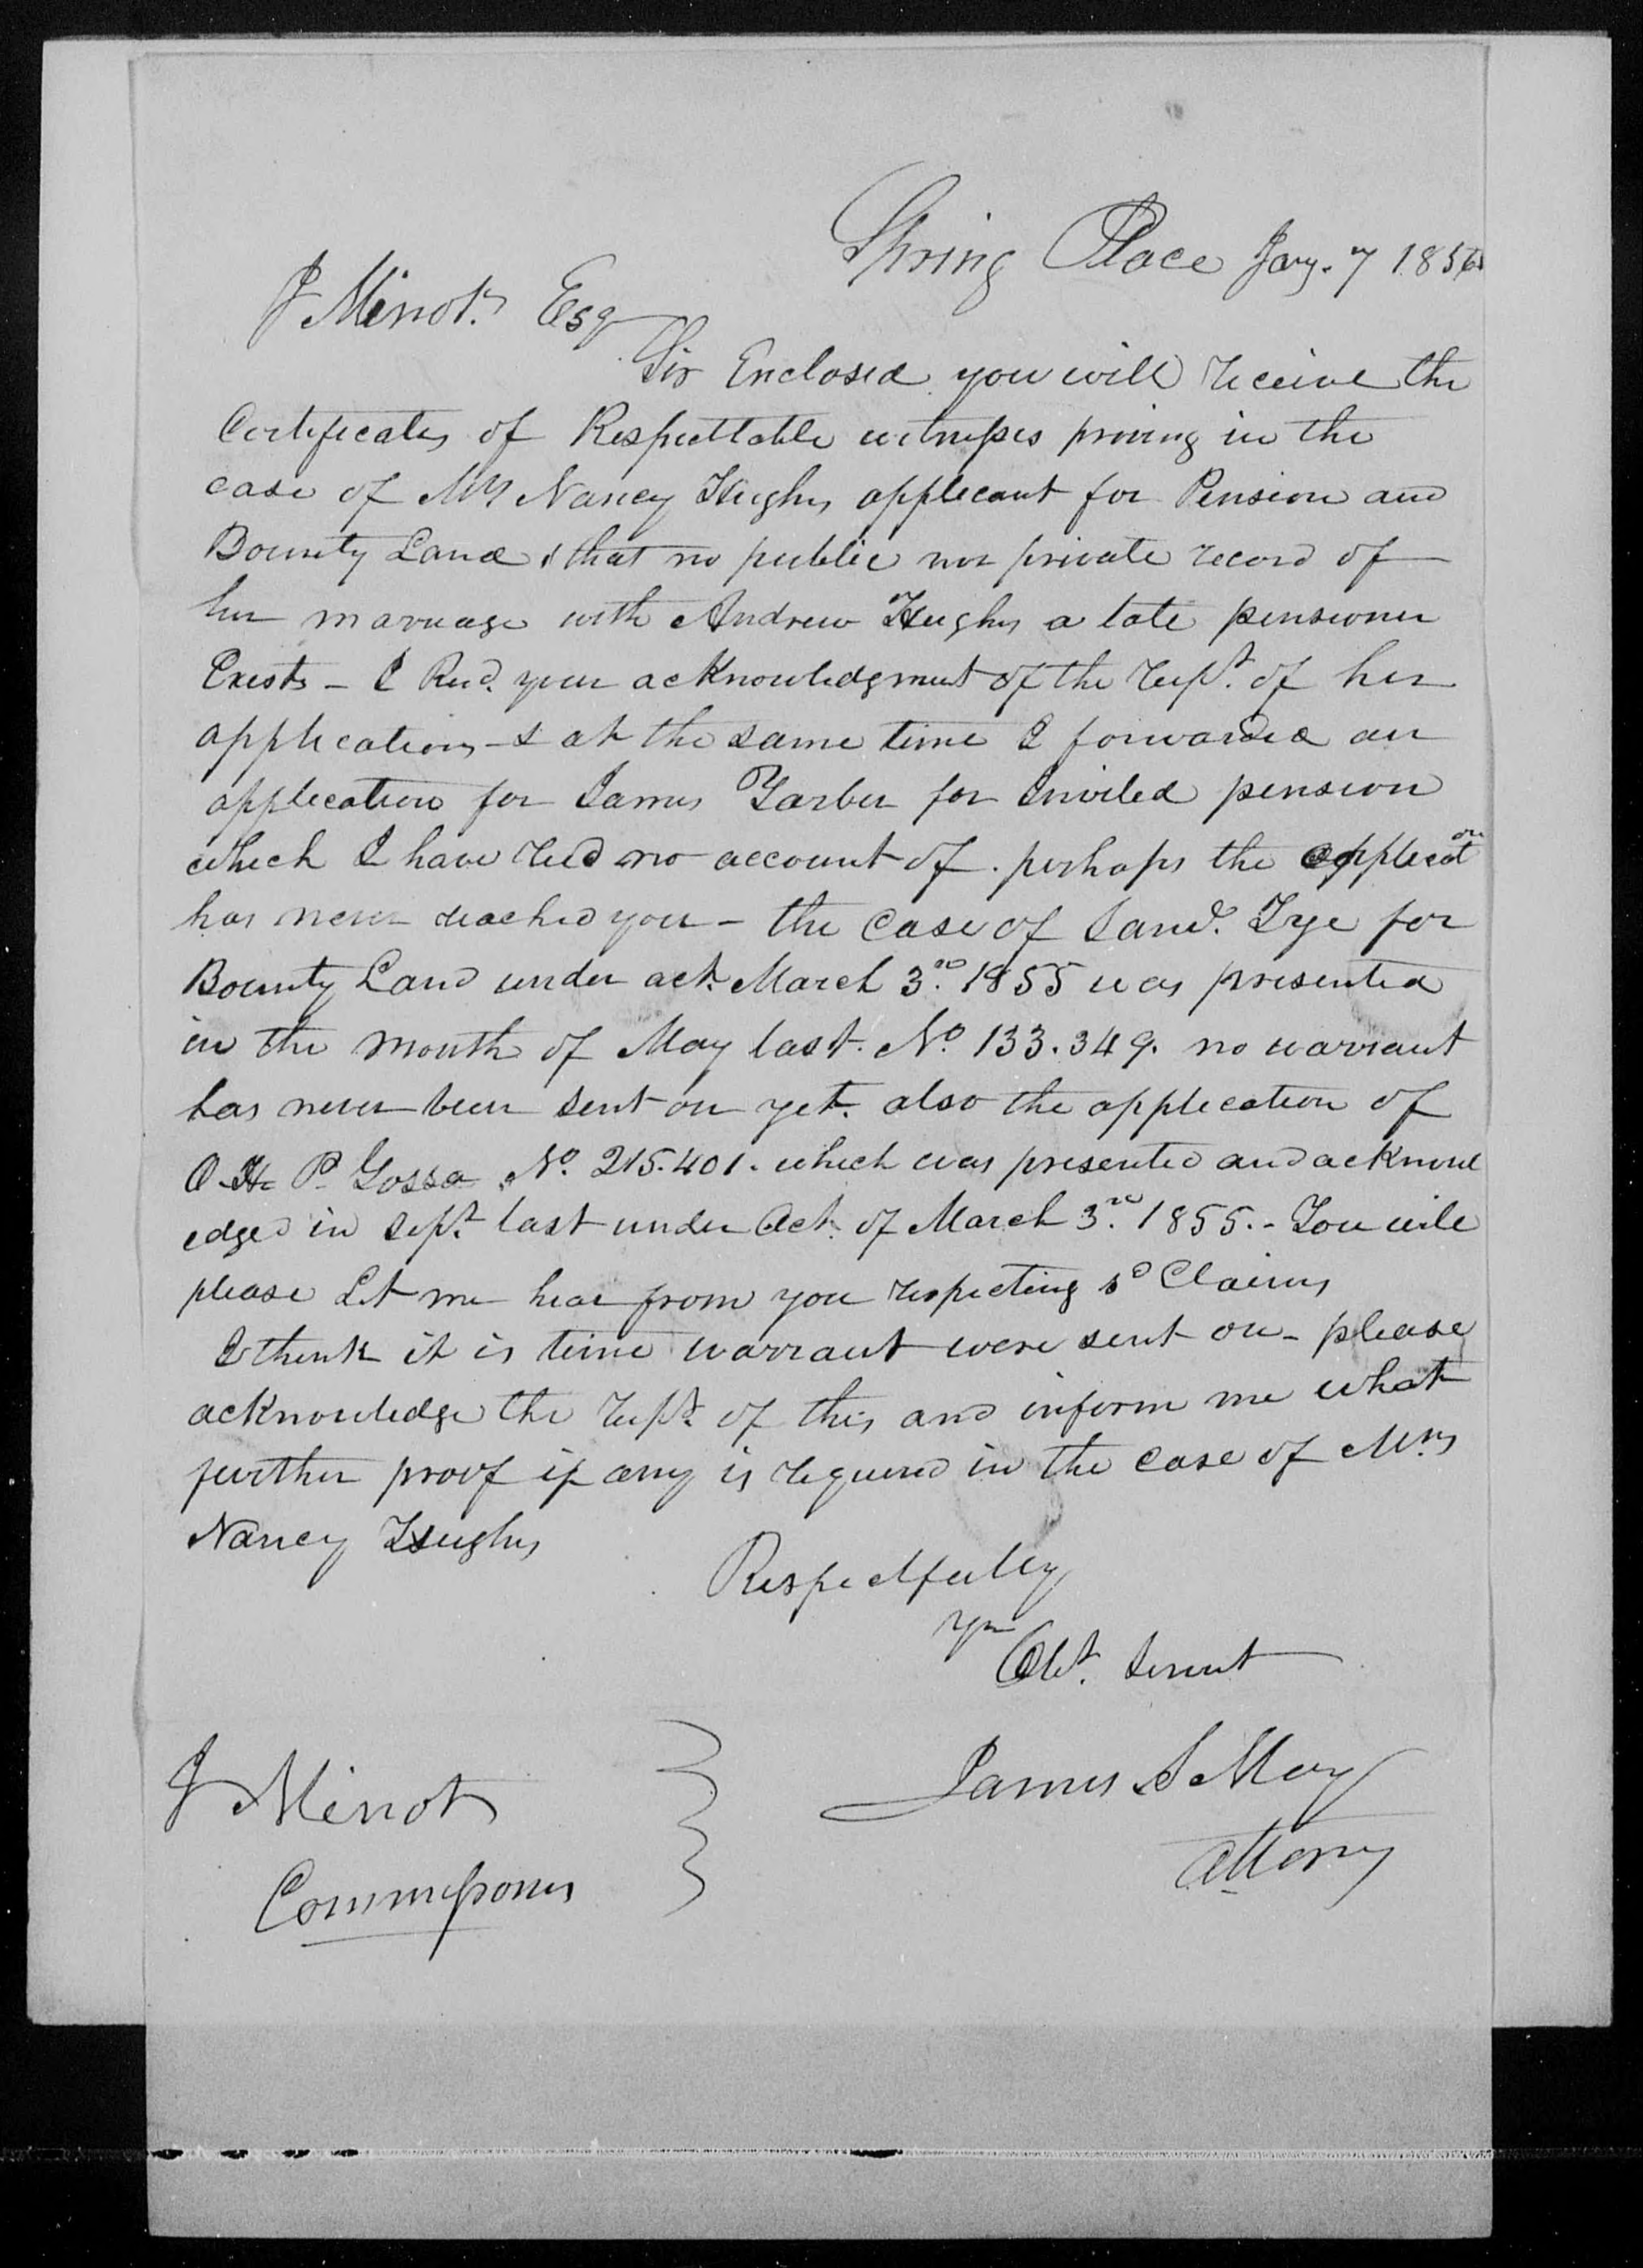Spring Place Jany. 7 1856
J Minot. Esq
Tis Enclosed you will receive the Certificate of Respecttable witness proving in the case of Mrs Nancy Hughes applicant for Pension and Bounty Land & that no public nor private record of her marriage with Andrew Hughes a late pensioner Exists - I Read your acknowledgment of the receipt of her application & at the same time I forwarded an application for James Yarber for Invalid pension which I have read no account of. perhaps the applicat has never reached you - the Case of Samel Tye for Bounty Land under act March 3rd 1855 was presented in the month of May last No. 133.349. no warrant has  never been sent on yet also the application of O H P Zossa No. 215.401. which was presented and acknowledged in depth last under Act of March 3rd 1855. You will please Let me hear from you respecting sd Claims
I think it is time warrant were sent out- please acknowledge the receipt of this and inform me what further proof if any is required in the case of Mrs
Nancy Hughes
Respectfully 
your Obedient Servant
James S May Attorney
J Minot Commissioner}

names: Saml Tye, O H P Gossa, J Minot, James S May, Nancy Hughes, James Yarber, Andrew Hughes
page: 55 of 75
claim: widow's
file: W. 25805, Andrew Hughes, N.C.